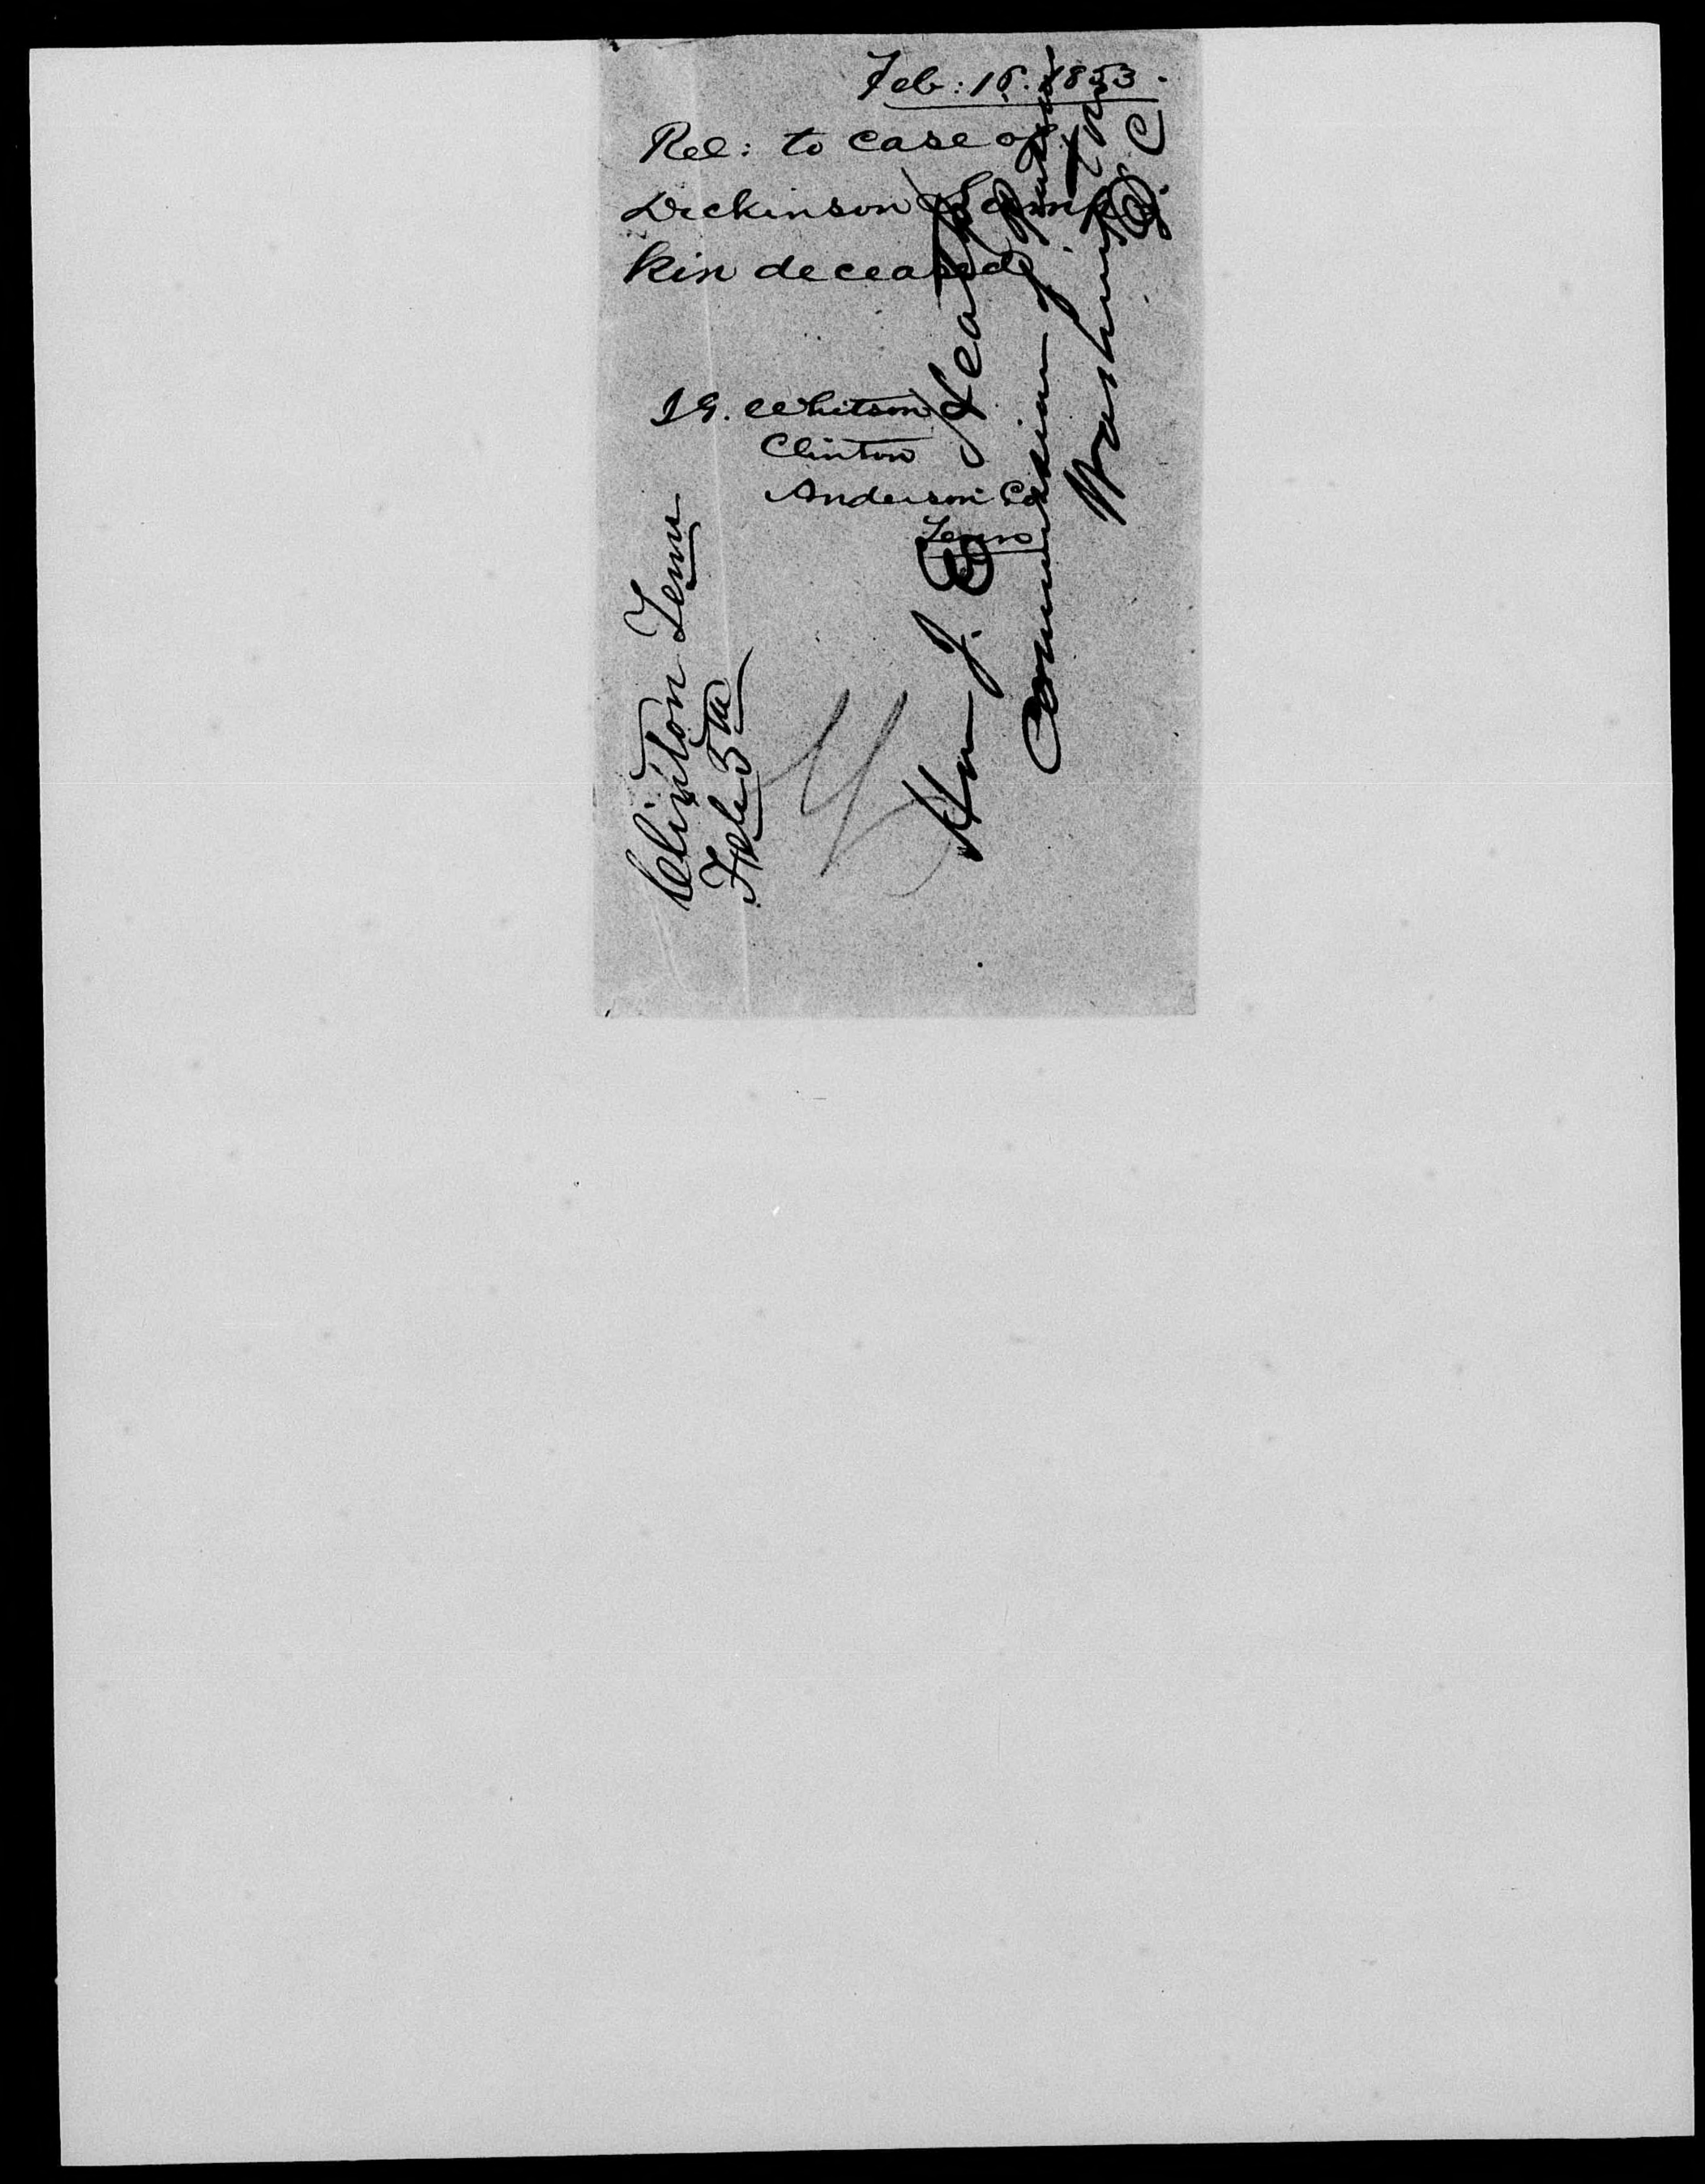(Handwritten document)

Feb. 16 1853
Rel: to case of Dickenson Lumpkin deceased

J G Whitson
Clinton
Anderson Co 
Tenn

(Written vertically on document)
Clinton Tenn
Feb. 5th

Hon J. E. Heath
Commissioner of Pensions
Washington D.C.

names: Dickinson Lump; J E Heath; J G Whitson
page: 20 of 37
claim: rejected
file: R. 6521, for Dickeson Lumpkin, Pennsylvania